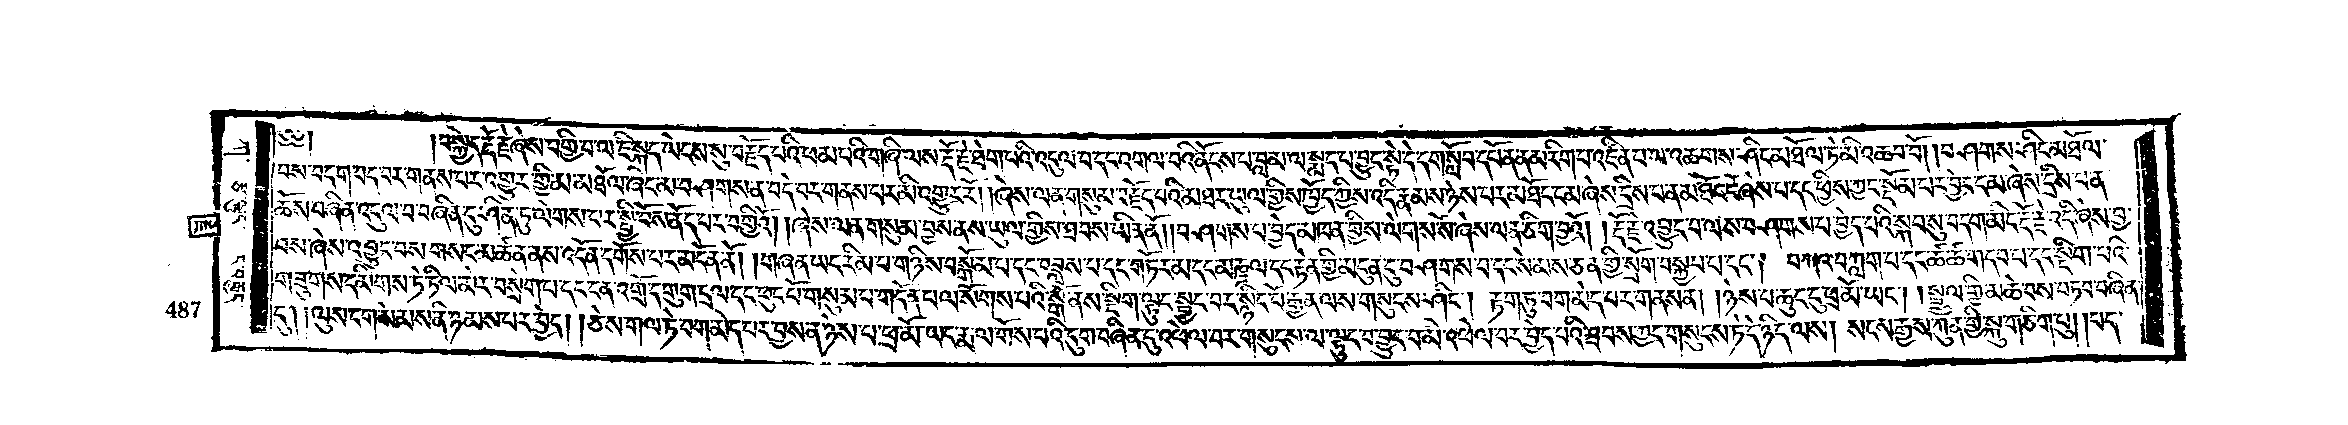༄༅། །བསྐྱེད་རྡོ་རྗེ་ཞེས་བགྱི་བ་ལ་ཇི་སྐད་ཡོངས་སུ་བརྗོད་པའི་ཕམ་པའི་གཞི་ལས་རྡོ་རྗེ་ཐེག་པའི་འདུལ་བ་དང་འགལ་བའི་ནོངས་པ་བླ་མ་ལ་སྨད་པ་བྱུང་སྟེ་དེ་དག་སློབ་དཔོན་ནམ་རིག་པ་འཛིན་པ་ལ་འཆགས་ཤིང་མཐོལ་ཏེ་མི་འཆབ་བོ། །བཤགས་ཤིང་མཐོལ་
བས་བདག་བདེ་བར་གནས་པར་འགྱུར་གྱི་མ་མཐོལ་ཞིང་མ་བཤགས་ན་བདེ་བར་གནས་པར་མི་འགྱུར་རོ། །ཞེས་ལན་གསུམ་བརྗོད་པའི་མཐར་ཡུལ་གྱིས་ཁྱོད་ཀྱིས་འདི་རྣམས་ཉེས་པར་མཐོང་ངམ་ཞེས་དྲིས་པ་ན་མཐོང་ངོ་ཞེས་པ་དང་ཕྱིས་ཀྱང་སྡོམ་པར་བྱེད་དམ་ཞེས་དྲིས་པ་ན་
ཆོས་བཞིན་འདུལ་བ་བཞིན་དུ་ཤིན་ཏུ་ལེགས་པར་སྤྱི་བོས་ནོད་པར་བགྱིའོ། །ཞེས་ལན་གསུམ་བྱས་ནས་ཡུལ་གྱིས་ཐབས་ཡིན་ནོ། །བཤགས་པ་བྱེད་མཁན་གྱིས་ལེགས་སོ་ཞེས་ལན་ཅིག་བྱའོ། །རྡོ་རྗེ་འབྱུང་བ་ལས་བཤགས་པ་བྱེད་པའི་སྐབས་སུ་བདག་མིང་རྡོ་རྗེ་འདི་ཞེས་བྱ་
བས་ཞེས་འབྱུང་བས་གསང་མཚན་ནས་འདོན་དགོས་པར་མངོན་ནོ། །གཞན་ཡང་རིམ་པ་གཉིས་བསྒོམ་པ་དང་བཟླས་པ་དང་གཏོར་མ་དང་མཎྜལ་དང་རྟེན་གྱི་མདུན་དུ་བཤགས་པ་དང་སེམས་ཅན་གྱི་སྲོག་བསྐྱབ་པ་དང་། བཀའ་བཀླག་པ་དང་ཚ་ཚ་གདབ་པ་དང་སྡིག་པའི་
གཟུགས་དམིགས་ཏེ་ཏིལ་མེར་བསྲེག་པ་དང་ངན་འགྲོ་དགུག་དྲལ་དང་ཕུང་པོ་གསུམ་པ་གདོན་པ་ལ་སོགས་པའི་སྒོ་ནས་སྡིག་ལྟུང་སྦྱང་བར་སྙིང་པོ་རྒྱན་ལས་གསུངས་ཤིང་། རྟག་ཏུ་བག་མེད་པར་གནས་ན། །ཉེས་པ་ཆུང་ངུ་ཕྲ་མོ་ཡང་། །སྤྲུལ་གྱི་མཆེ་བས་བཏབ་བཞིན་
དུ། །ལུས་ངག་སེམས་ནི་ཉམས་པར་བྱེད། །ཅེས་གལ་ཏེ་བག་མེད་པར་བྱས་ན་ཉེས་པ་ཕྲ་མོ་ཡང་རྨ་ལ་གོས་པའི་དུག་བཞིན་དུ་འཕེལ་བར་གསུངས་ལ་ལྟུང་བ་བྱུང་བ་མི་འཕེལ་བར་བྱེད་པའི་ཐབས་ཀྱང་གསུངས་ཏེ་དེ་ཉིད་ལས། སངས་རྒྱས་ཀུན་གྱི་སྐུ་གཅིག་པུ། །པད་